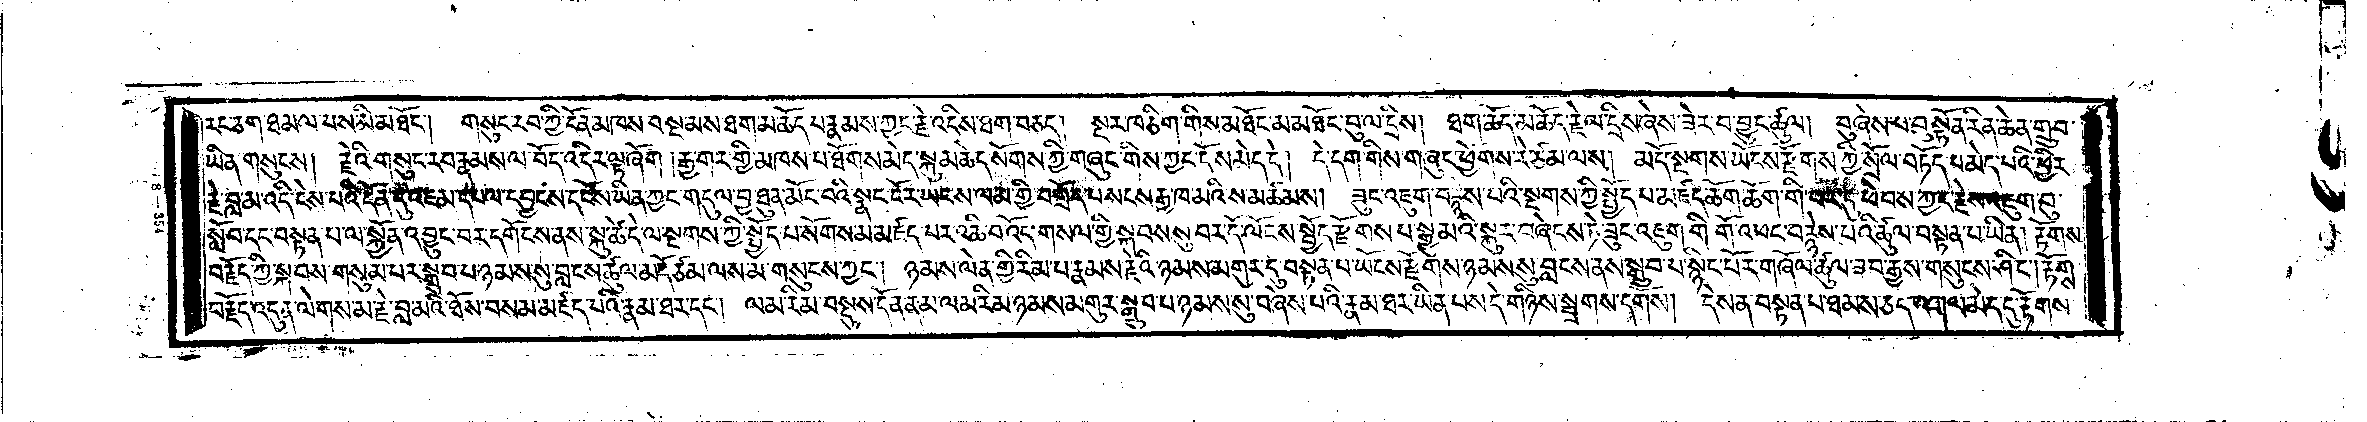རང་ཅག་ཐ་མལ་པས་མི་མཐོང་། གསུང་རབ་ཀྱི་དོན་མཁས་པ་སྔ་མས་ཐག་མ་ཆོད་པ་རྣམས་ཀྱང་རྗེ་འདིས་ཐག་བཅད། སྔར་ཁ་ཅིག་གིས་མཐོང་མ་མཐོང་བུ་ལ་དྲིས། ཐག་ཆོད་མ་ཆོད་རྗེ་ལ་དྲིས་ཞེས་ཟེར་བ་བྱུང་ཚུལ། བུ་ཞེས་པ་བུ་སྟོན་རིན་ཆེན་གྲུབ་
ཡིན་གསུངས། རྗེའི་གསུང་རབ་རྣམས་ལ་བོད་འདིར་ལྟ་ཞོག །རྒྱ་གར་གྱི་མཁས་པ་ཐོགས་མེད་སྐུ་མཆེད་སོགས་ཀྱི་གཞུང་གིས་ཀྱང་ངོ་ས་མེད་དེ། དེ་དག་གིས་གཞུང་ཕྱོགས་རེ་ཙམ་ལས། མདོ་སྔགས་ཡོངས་རྫོགས་ཀྱི་སྲོལ་བཏོད་པ་མེད་པའི་ཕྱིར།
རྗེ་བླ་མ་འདི་ངེས་པའི་དོན་དུ་འཇམ་དཔལ་དབྱངས་དངོས་ཡིན་ཀྱང་གདུལ་བྱ་ཐུན་མོང་བའི་སྣང་ངོར་ཡང་ས་ལམ་གྱི་བགྲོད་པ་སངས་རྒྱ་ཁ་མའི་ས་མཚམས། ཟུང་འཇུག་བརྙེས་པའི་སྔགས་ཀྱི་སྤྱོད་པ་མཛད་ཆོག་ཆོག་གི་བར་དུ་ཕེབས་ཀྱང་རྗེས་འཇུག་བུ་
སློབ་དང་བསྟན་པ་ལ་སྐྱོན་འབྱུང་བར་དགོངས་ནས་སྐུ་ཚེ་དེ་ལ་སྔགས་ཀྱི་སྤྱོད་པ་སོགས་མ་མཛད་པར་འཆི་བ་འོད་གསལ་གྱི་སྐབས་སུ་བར་དོ་ལོངས་སྤྱོད་རྫོགས་པ་སྒྱུ་མའི་སྐུར་བཞེངས་ཏེ་ཟུང་འཇུག་གི་གོ་འཕང་བརྙེས་པའི་ཚུལ་བསྟན་པ་ཡིན། རྟོགས་
བརྗོད་ཀྱི་སྐབས་གསུམ་བར་སྒྲུབ་པ་ཉམས་སུ་བླངས་ཚུལ་མདོ་ཙམ་ལས་མ་གསུངས་ཀྱང་། ཉམས་ལེན་གྱི་རིམ་པ་རྣམས་རྗེའི་ཉམས་མགུར་དུ་བསྟན་པ་ཡོངས་རྫོགས་ཉམས་སུ་བླངས་ནས་སྒྲུབ་པ་སྙིང་པོར་གཞོལ་ཚུལ་ཟབ་རྒྱས་གསུངས་ཤིང་། རྟོགས་
བརྗོད་འདུན་ལེགས་མ་རྗེ་བླ་མའི་ཐོས་བསམ་མཛད་པའི་རྣམ་ཐར་དང་། ལམ་རིམ་བསྡུས་དོན་ནམ་ལམ་རིམ་ཉམས་མགུར་སྒྲུབ་པ་ཉམས་སུ་བཞེས་པའི་རྣམ་ཐར་ཡིན་པས་དེ་གཉིས་སྦྲགས་དགོས། དེས་ན་བསྟན་པ་ཐམས་ཅད་འགལ་མེད་དུ་རྟོགས་